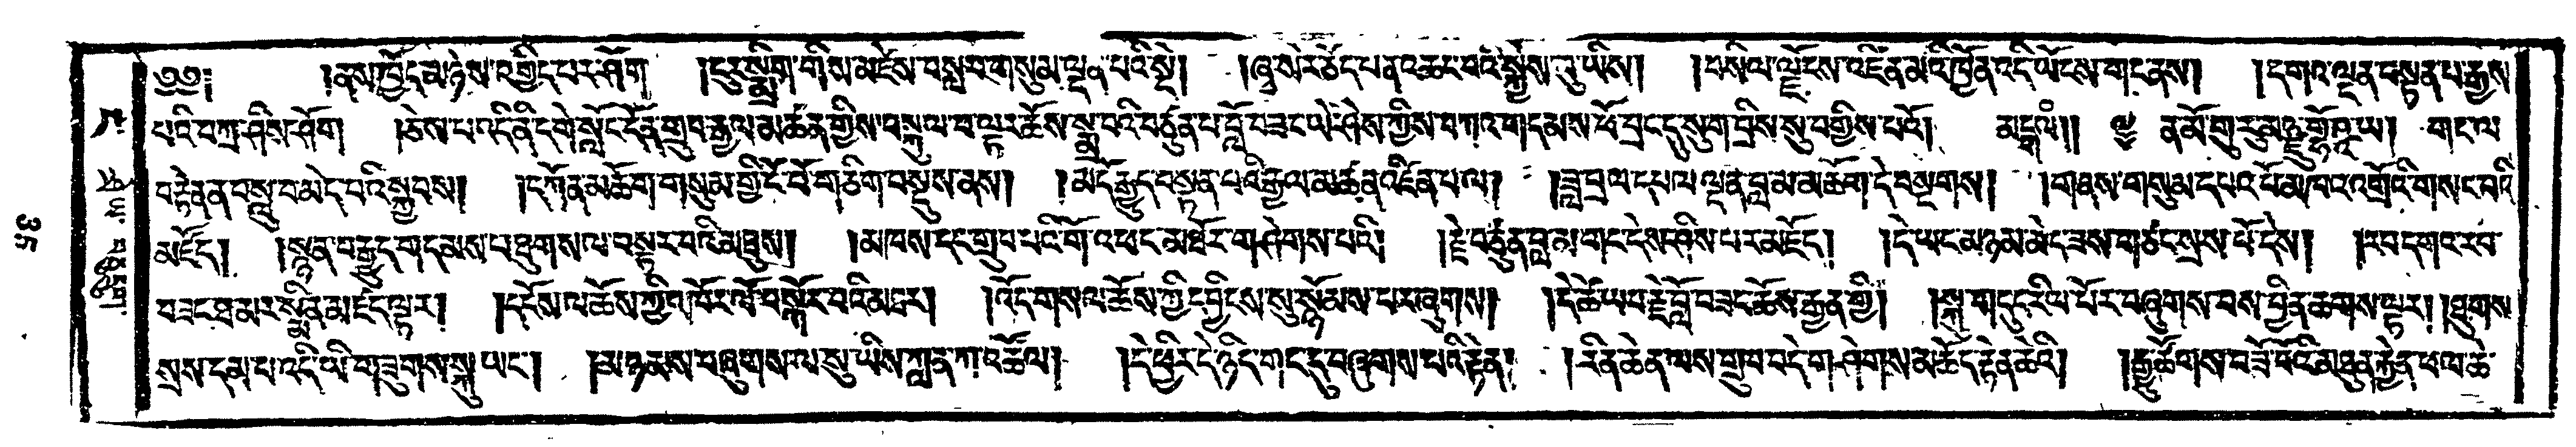༄༅། །ནས་ཁྱོད་མཉེས་འགྱིད་པར་ཤོག །དུར་སྨྲིག་གིས་མཛེས་བསླབ་གསུམ་ལྡན་པའི་སྡེ། །ཞྭ་སེར་ཅོད་པན་འཆང་བའི་སྐྱེས་བུ་ཡིས། །བསིལ་ལྗོངས་འཛིན་མའི་ཁྱོན་འདི་ཡོངས་གང་ནས། །དགའ་ལྡན་བསྟན་པ་རྒྱས་
པའི་བཀྲ་ཤིས་ཤོག །ཅེས་པ་འདི་ནི་དགེ་སློང་དོན་གྲུབ་རྒྱལ་མཚན་གྱིས་བསྐུལ་བ་ལྟར་ཆོས་སྨྲ་བའི་བཙུན་པ་བློ་བཟང་ཡེ་ཤེས་ཀྱིས་བཀའ་གདམས་ཕོ་བྲང་དུ་སུ་ག་བྲིས་སུ་བགྱིས་པའོ། མངྒལཾ། ༈ ན་མོ་གུ་རུ་མཉྫུ་གྷོཥཱ་ཡ། གང་ལ་
བརྟེན་ན་བསླུ་བ་མེད་པའི་སྐྱབས། །དཀོན་མཆོག་གསུམ་གྱི་ངོ་བོ་གཅིག་བསྡུས་ནས། །མདོ་རྒྱུད་བསྟན་པའི་རྒྱལ་མཚན་འཛིན་པ་ལ། །ཟླ་བྲལ་དཔལ་ལྡན་བླ་མ་མཆོག་དེ་བསྔགས། །གནས་གསུམ་དཔའ་པོ་མཁའ་འགྲོའི་གསང་བའི་
མཛོད། །སྙན་བརྒྱུད་གདམས་པ་ཐུགས་ལ་བསྟར་པའི་མཐུས། །མཁས་དང་གྲུབ་པའི་གོ་འཕང་མཐོར་གཤེགས་པའི། །རྗེ་བཙུན་བླ་མ་གང་ངེས་ཤིས་པར་མཛོད། །དེ་ཡང་མཉམ་མེད་ཟས་གཙང་སྲས་པོ་དེས། །རབ་དགའ་རབ་
བཟང་ཐ་མར་སྨིན་མཛད་ལྟར། །དངོས་ལ་ཆོས་ཀྱི་འཁོར་ལོ་བསྐོར་བའི་མཐར། །འོད་གསལ་ཆོས་ཀྱི་དབྱིངས་སུ་སྙོམས་པར་ཞུགས། །དེ་ཚེ་ཡབ་རྗེ་བློ་བཟང་ཆོས་རྒྱན་གྱི། །སྐུ་གདུང་རིལ་པོར་བཞུགས་བས་བྱིན་ཆགས་ལྟར། །ཐུགས་
སྲས་དམ་པ་འདི་ཡི་གཟུགས་སྐུ་ཡང་། །མཉམས་བཞུགས་ལ་སུ་ཡིས་ཀླན་ཀ་འཚོལ། །དེ་ཕྱིར་དེ་ཉིད་གང་དུ་བཞུགས་པའི་རྟེན། །རིན་ཆེན་ལས་གྲུབ་བདེ་གཤེགས་མཆོད་རྟེན་ཆེའི། །རྒྱུ་ཚོགས་བཟོ་བོའི་མཐུན་རྐྱེན་ཕལ་ཆེ་